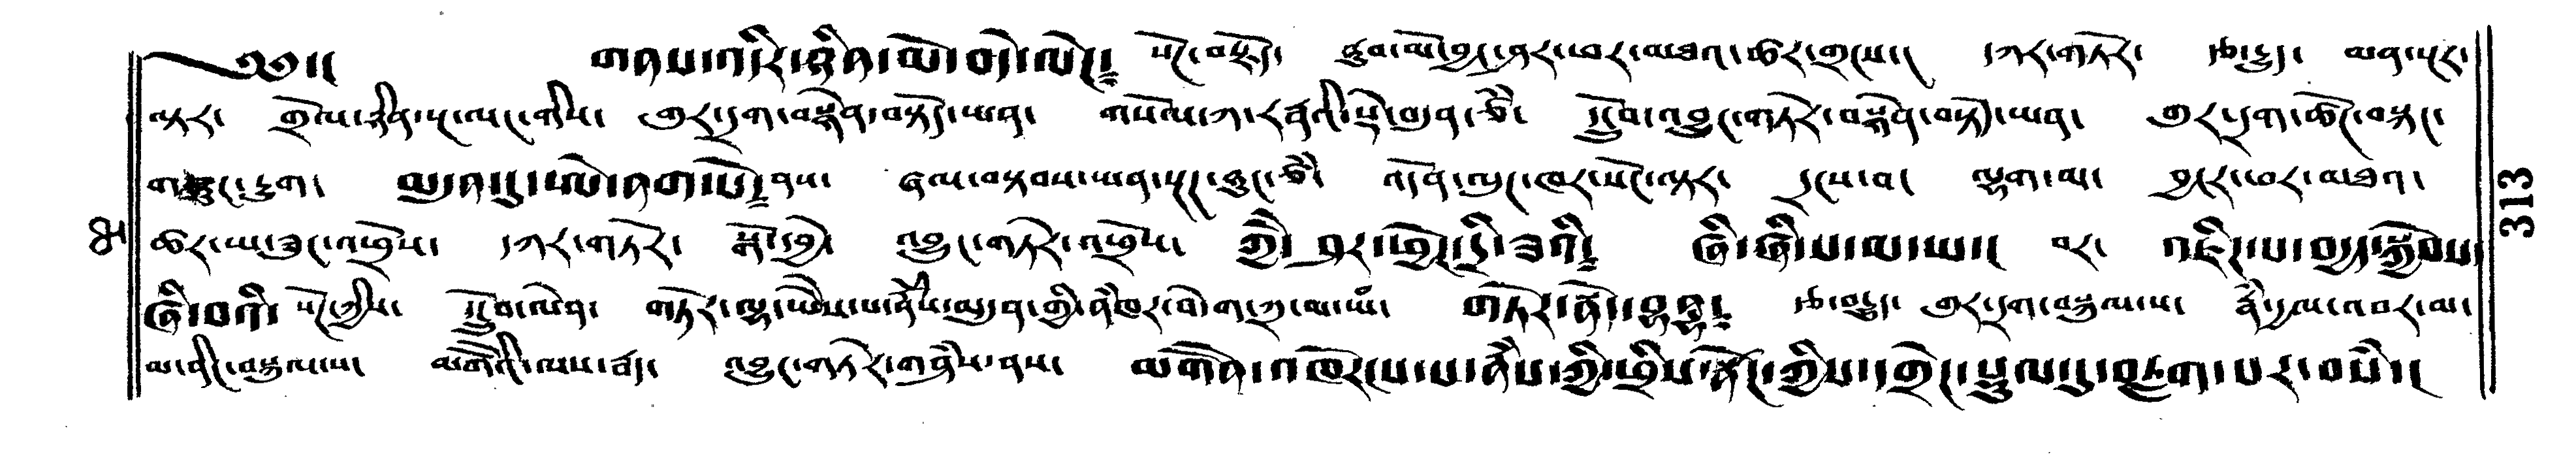གནས་འདིར་ཉིན་མོ་བདེ་ལེགས༴ སོགས་བརྗོད། ནུབ་མོ་བྱང་ཤར་ཕར་མཐའ་ཚར་གྲངས། དཀར་གཏོར། རྩ་རྒྱུད་མན་སྔར་
ལྟར། གྲོལ་ཉིན་སྔ་ལང་གིས། གུར་དྲག་བསྙེན་བསྟོད་ཡན། གསོལ་ཀ་རཏྣའི་སྡེ་བདུན་ཙམ། དངོས་གྲུབ་འབྱུང་གཏོར་བསྙེན་བསྟོད་ཡན། གུར་དྲག་ཚོགས་བསྐང་
གཞུང་རྒྱུག མདུན་དུ་ཨེ་ནག་པོ༴ ནས། ཞལ་བསྟབ་ཡན་སྔགས་ཉུང་ཙམ། འདོན་ལུགས་ཁ་སང་ལྟར། དྲང་བ། ལྷག་མ། བྱང་ཤར་ཕ་མཐའ་
ཚར་ཡ་ཟུང་འཕྲོས། དཀར་གཏོར། སྒོ་དབྱེ། འབྱུང་གཏེར་འཕྲོས། ཀྱཻ། ཤར་ཕྱོགས་དྲི་ཟའི༴ ཞི་ཞི་ས་མ་ཡ། བར། འཇིགས་པ་བརྒྱད་སྐྱོབས་
ཞི་བའི༴ སོགས་ཀྱིས། དངོས་གྲུབ་ལེན། གཏོར་ལྷ་ཡེ་ཤེས་པ་རྣམས་མདུན་གྱི་ནམ་མཁར་བེ་ག་ཀྲ་མ་ཡཾ། གཏོར་སྣོད་བྷནྡྷ༴ རྩ་བརྒྱུད། གུར་དྲག་བསྐུལ་པ། རྣམ་རྒྱལ་འབར་མ། 
མ་ནིང་བསྐུལ་པ། མགོན་པོའི་ལས་རྦད། འབྱུང་གཏེར་གཤམ་ནས། མགོན་པོ་འཁོར་དང་བཅས་པ་རྣམས་ཀྱི་ཕྲིན་ལས་སྣ་ཚོགས་ཀྱིས་དགྲ་བགེགས་རྡུལ་དུ་བརླག་པར་བསམ།